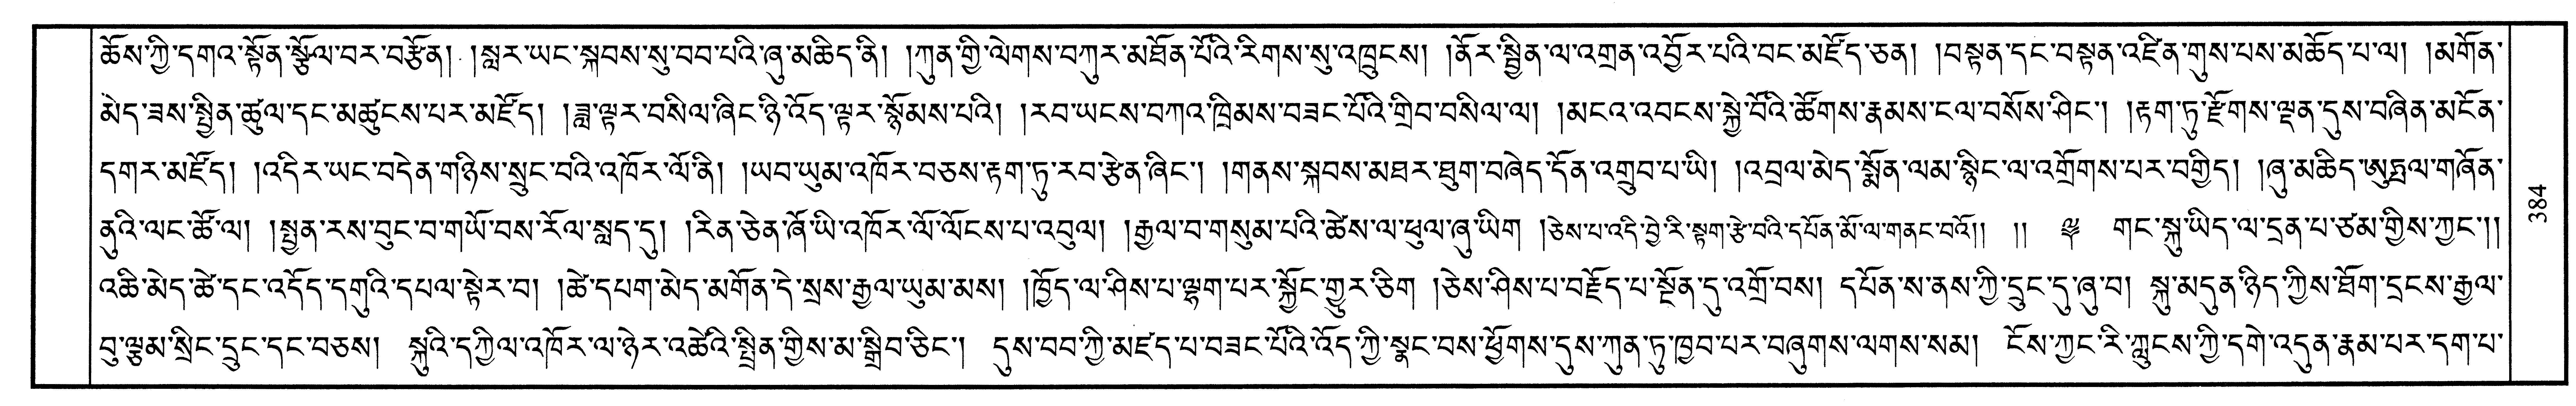ཆོས་ཀྱི་དགའ་སྟོན་སྩོལ་བར་བརྩོན། །སླར་ཡང་སྐབས་སུ་བབ་པའི་ཞུ་མཆིད་ནི། །ཀུན་གྱི་ལེགས་བཀུར་མཐོན་པོའི་རིགས་སུ་འཁྲུངས། །ནོར་སྦྱིན་ལ་འགྲན་འབྱོར་པའི་བང་མཛོད་ཅན། །བསྟན་དང་བསྟན་འཛིན་གུས་པས་མཆོད་པ་ལ། །མགོན་
མེད་ཟས་སྤྱིན་ཚུལ་དང་མཚུངས་པར་མཛོད། །ཟླ་ལྟར་བསིལ་ཞིང་ཉི་འོད་ལྟར་སྙོམས་པའི། །རབ་ཡངས་བཀའ་ཁྲིམས་བཟང་པོའི་གྲིབ་བསིལ་ལ། །མངའ་འབངས་སྐྱེ་བོའི་ཚོགས་རྣམས་ངལ་བསོས་ཤིང་། །རྟག་ཏུ་རྫོགས་ལྡན་དུས་བཞིན་མངོན་
དགར་མཛོད། །འདིར་ཡང་བདེན་གཉིས་སྲུང་བའི་འཁོར་ལོ་ནི། །ཡབ་ཡུམ་འཁོར་བཅས་རྟག་ཏུ་རབ་རྩེན་ཞིང་། །གནས་སྐབས་མཐར་ཐུག་བཞེད་དོན་འགྲུབ་པ་ཡི། །འབྲལ་མེད་སྨོན་ལམ་སྙིང་ལ་འགྲོགས་པར་བགྱིད། །ཞུ་མཆིད་ཨུཏྤལ་གཞོན་
ནུའི་ལང་ཚོ་ལ། །སྤྱན་རས་བུང་བ་གཡོ་བས་རོལ་སླད་དུ། །རིན་ཅེན་ཞོ་ཡི་འཁོར་ལོ་ལོངས་པ་འབུལ། །རྒྱལ་བ་གསུམ་པའི་ཚེས་ལ་ཕུལ་ཞུ་ཡིག །ཅེས་པ་འདི་བྱེ་རི་སྟག་རྩེ་བའི་དཔོན་མོ་ལ་གནང་བའོ།། །། ༈ གང་སྐུ་ཡིད་ལ་དྲན་པ་ཙམ་གྱིས་ཀྱང།།
འཆི་མེད་ཚེ་དང་འདོད་དགུའི་དཔལ་སྟེར་བ། །ཚེ་དཔག་མེད་མགོན་དེ་སྲས་རྒྱལ་ཡུམ་མས། །ཁྱོད་ལ་ཤིས་པ་ལྷག་པར་སྐྱོང་གྱུར་ཅིག །ཅེས་ཤིས་པ་བརྗོད་པ་སྔོན་དུ་འགྲོ་བས། དཔོན་ས་ནས་ཀྱི་དྲུང་དུ་ཞུ་བ། སྐུ་མདུན་ཉིད་ཀྱིས་ཐོག་དྲངས་རྒྱལ་
བུ་ལྕམ་སྲིང་དྲུང་དང་བཅས། སྐུའི་དཀྱིལ་འཁོར་ལ་ཉེར་འཚེའི་སྤྲིན་གྱིས་མ་སྒྲིབ་ཅིང་། དུས་བབ་ཀྱི་མཛད་པ་བཟང་པོའི་འོད་ཀྱི་སྣང་བས་ཕྱོགས་དུས་ཀུན་ཏུ་ཁྱབ་པར་བཞུགས་ལགས་སམ། ངོས་ཀྱང་རི་ཀླུངས་ཀྱི་དགེ་འདུན་རྣམ་པར་དག་པ་